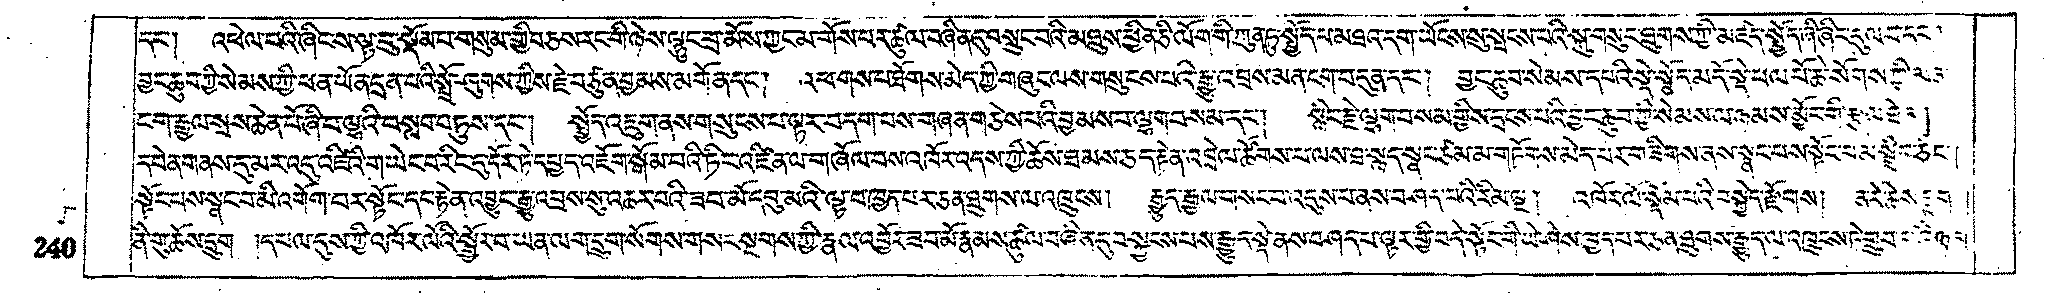དང་། འཕེལ་བའི་ཞིང་ས་ལྟ་བུ་སྡོམ་པ་གསུམ་གྱི་བཅས་རང་གི་ཉེས་ལྟུང་ཕྲ་མོས་ཀྱང་མ་གོས་པར་ཚུལ་བཞིན་དུ་བསྲུང་བའི་མཐུས་ཕྱིན་ཅི་ལོག་གི་ཀུན་ཏུ་སྤྱོད་པ་མཐའ་དག་ཡོངས་སུ་སྤངས་པའི་སྐུ་གསུང་ཐུགས་ཀྱི་མཛད་སྤྱོད་ཞི་ཞིང་དུལ་བ་དང་།
བྱང་ཆུབ་ཀྱི་སེམས་ཀྱི་ཕན་ཡོན་དྲན་པའི་སྤྲོ་ཤུགས་ཀྱིས་རྗེ་བཙུན་བྱམས་མགོན་དང་། འཕགས་པ་ཐོགས་མེད་ཀྱི་གཞུང་ལས་གསུངས་པའི་རྒྱུ་འབྲས་མན་ངག་བདུན་དང་། བྱང་ཆུབ་སེམས་དཔའི་སྡེ་སྣོད་མདོ་སྡེ་ཕལ་པོ་ཆེ་སོགས་ཀྱི་མན་་་
ངག་རྒྱལ་སྲས་ཆེན་པོ་ཞི་བ་ལྟའི་བསླབ་བཏུས་དང་། སྤྱོད་འཇུག་ནས་གསུངས་པ་ལྟར་བདག་པས་གཞན་གཅེས་པའི་བྱམས་པ་ལྷག་བསམ་དང་། སྙིང་རྗེ་ལྷག་བསམ་གྱིས་དྲངས་པའི་བྱང་ཆུབ་ཀྱི་སེམས་ལ་ཉམས་མྱོང་གི་རྩལ་ཐོན།
དབེན་གནས་དུ་མར་འདུ་འཛིའི་གཡེང་བ་རིང་དུ་དོན་ཏེ་དཔྱད་འཇོག་སྒོམ་པའི་ཏིང་འཛིན་ལ་གཞོལ་བས་འཁོར་འདས་ཀྱི་ཆོས་ཐམས་ཅད་རྟེན་འབྲེལ་ཚོགས་པ་ལས་ཐ་སྙད་སྣང་ཙམ་མ་གཏོགས་མེད་པར་གཟིགས་ནས་སྣང་པས་སྟོང་པ་མ་སྒྲིབ་ཅིང་།
སྟོང་པས་སྣང་བ་མི་འགོག་པར་སྟོང་དང་རྟེན་འབྱུང་རྒྱུ་འབྲས་སུ་འཆར་བའི་ཟབ་མོ་དབུ་མའི་ལྟ་བ་ཁྱད་པར་ཅན་ཐུགས་ལ་འཁྲུངས། རྒྱུད་རྒྱལ་གསང་བ་འདུས་པ་ནས་བཤད་པའི་རིམ་ལྔ། འཁོར་ལོ་སྡོམ་པའི་བསྐྱེད་རྫོགས། ན་རོ་ཆོས་དྲུག །
ནི་གུ་ཆོས་དྲུག །དཔལ་དུས་ཀྱི་འཁོར་ལོའི་སྦྱོར་བ་ཡན་ལག་དྲུག་སོགས་གསང་སྔགས་ཀྱི་རྣལ་འབྱོར་ཟབ་མོ་རྣམས་ཚུལ་བཞིན་དུ་བསྐྱངས་པས་རྒྱུད་སྡེ་ནས་བཤད་པ་ལྟར་གྱི་བདེ་སྟོང་གི་ཡེ་ཤེས་ཁྱད་པར་ཅན་ཐུགས་རྒྱུད་ལ་འཁྲུངས་ཏེ་གྲུབ་པའི་ཉམ་